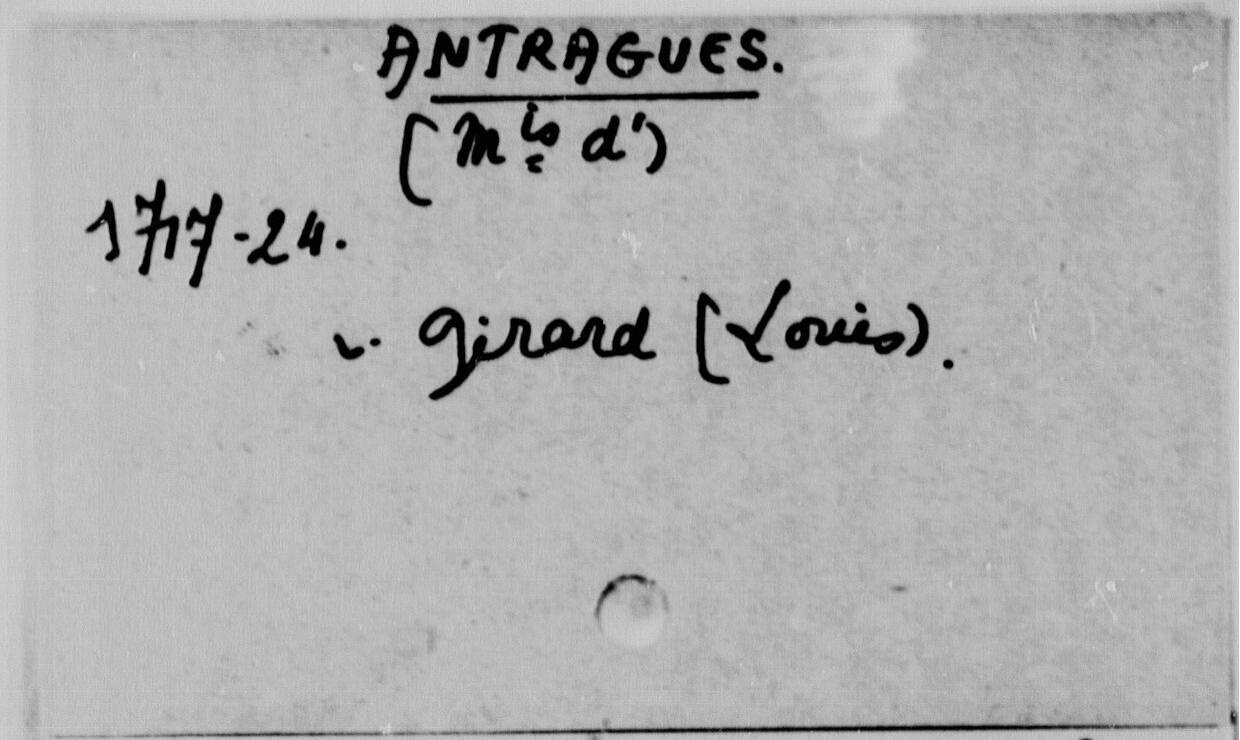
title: ANTRAGUES (marquis d')
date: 1717-1724
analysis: Voir GIRARD (Louis)
